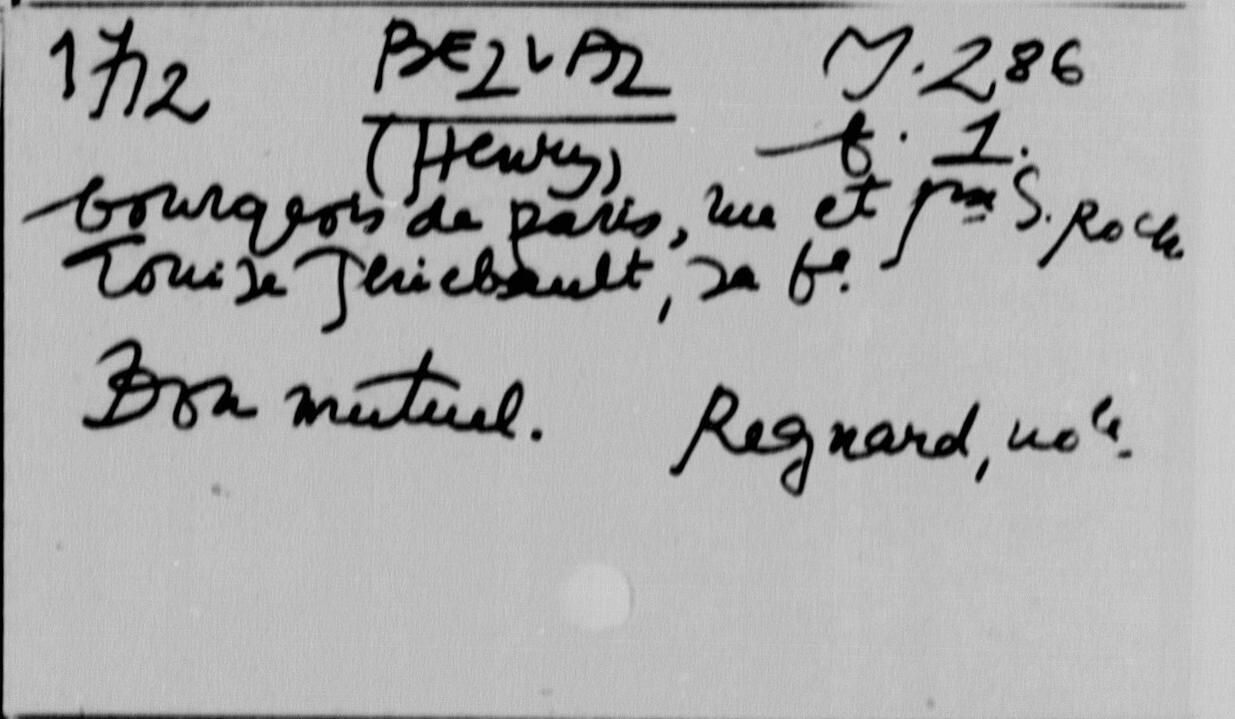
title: BELVAL (Henry)
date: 1712
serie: Y
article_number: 286
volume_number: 1
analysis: Bourgeois de Paris, rue et paroisse Saint-Roch. Louise Thiebault, sa femme. Don mutuel. Regnard, notaire.
